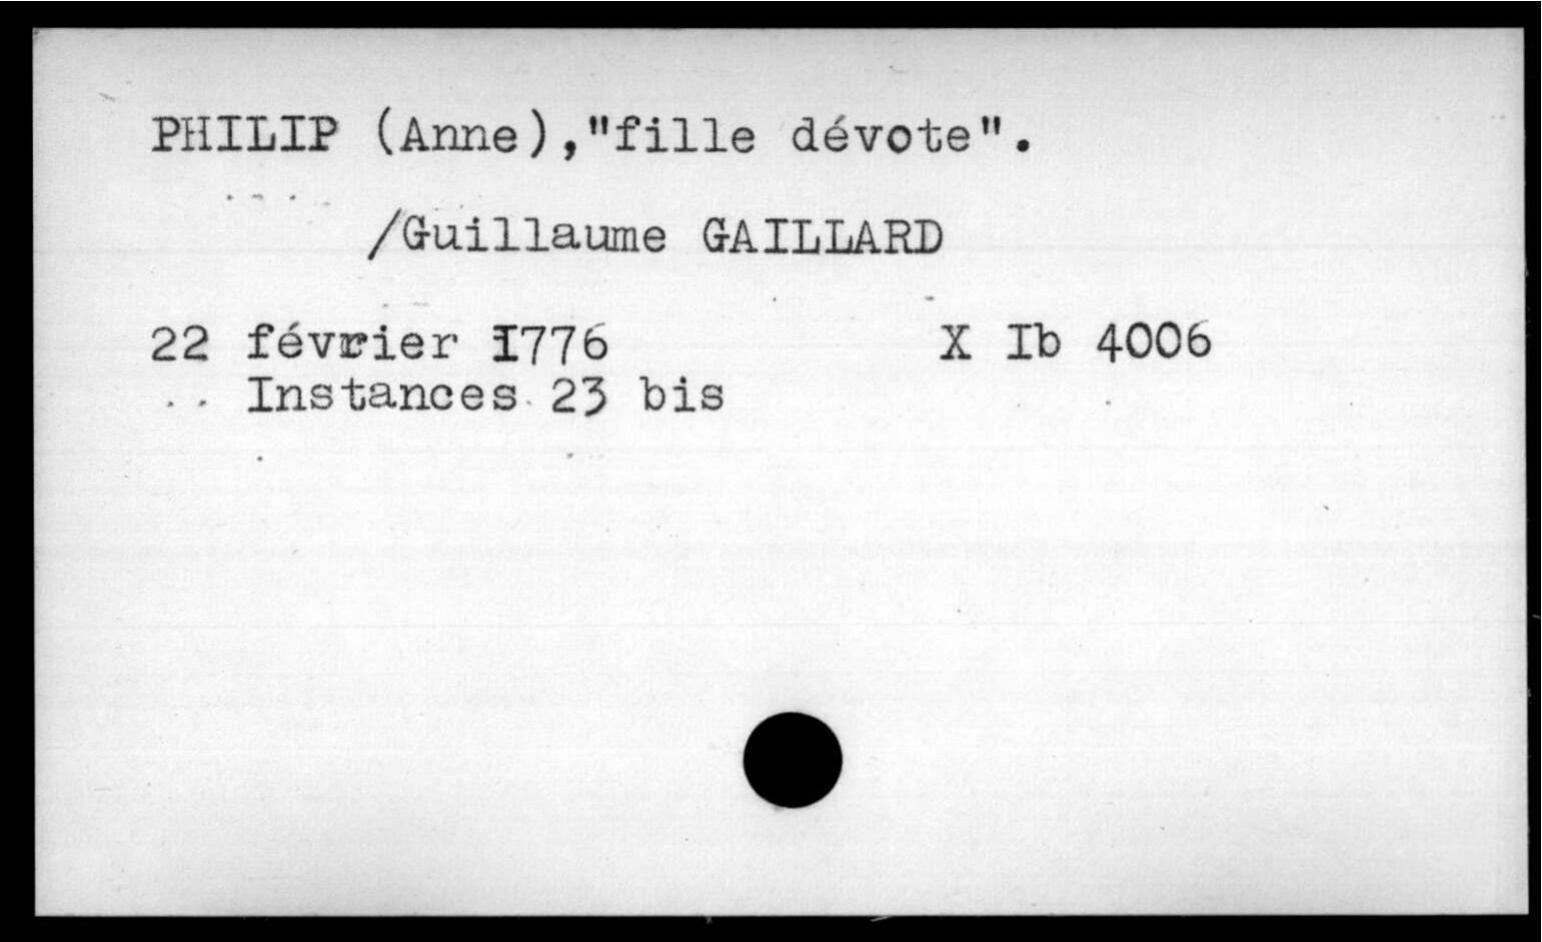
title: Philip (Anne), "fille dévote"
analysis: Contre Guillaume GAILLARD
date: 22 février 1776
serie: X1b
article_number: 4006
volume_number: Instances, 23 bis
